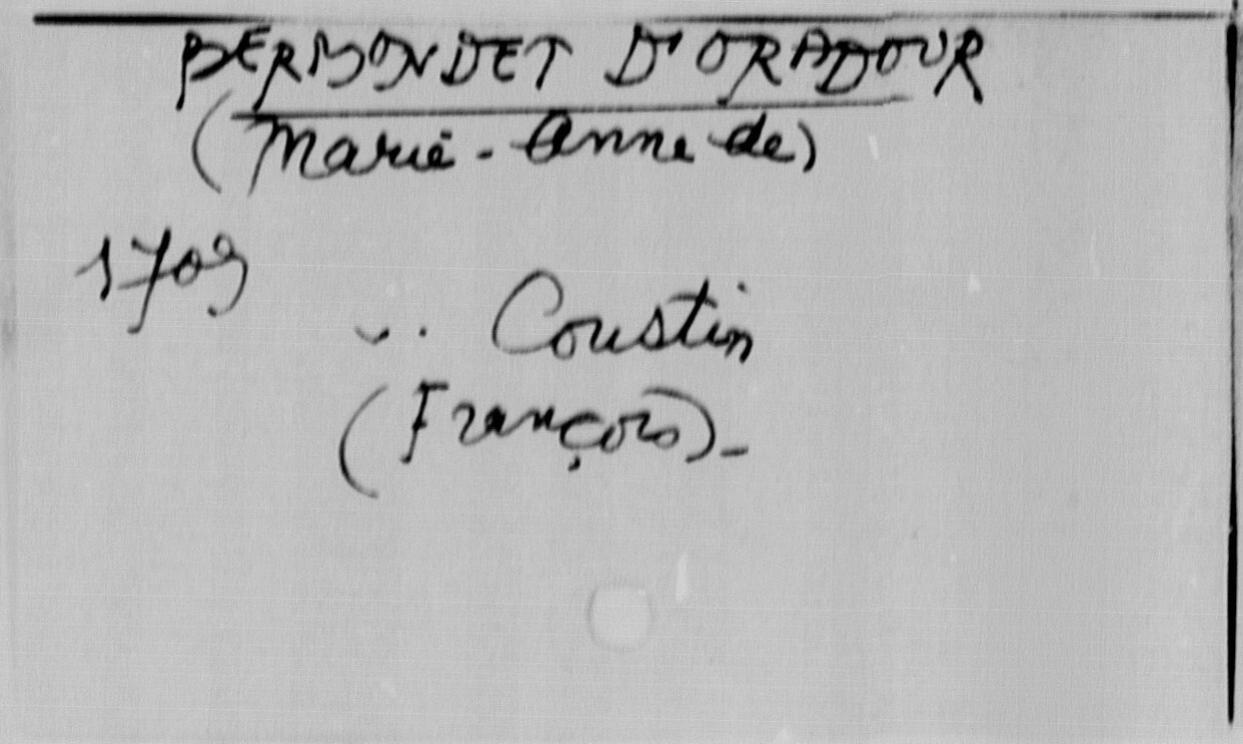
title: BERMONDET D'ORADOUR (Marie-Anne de)
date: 1709
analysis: Voir Coustin (François)
